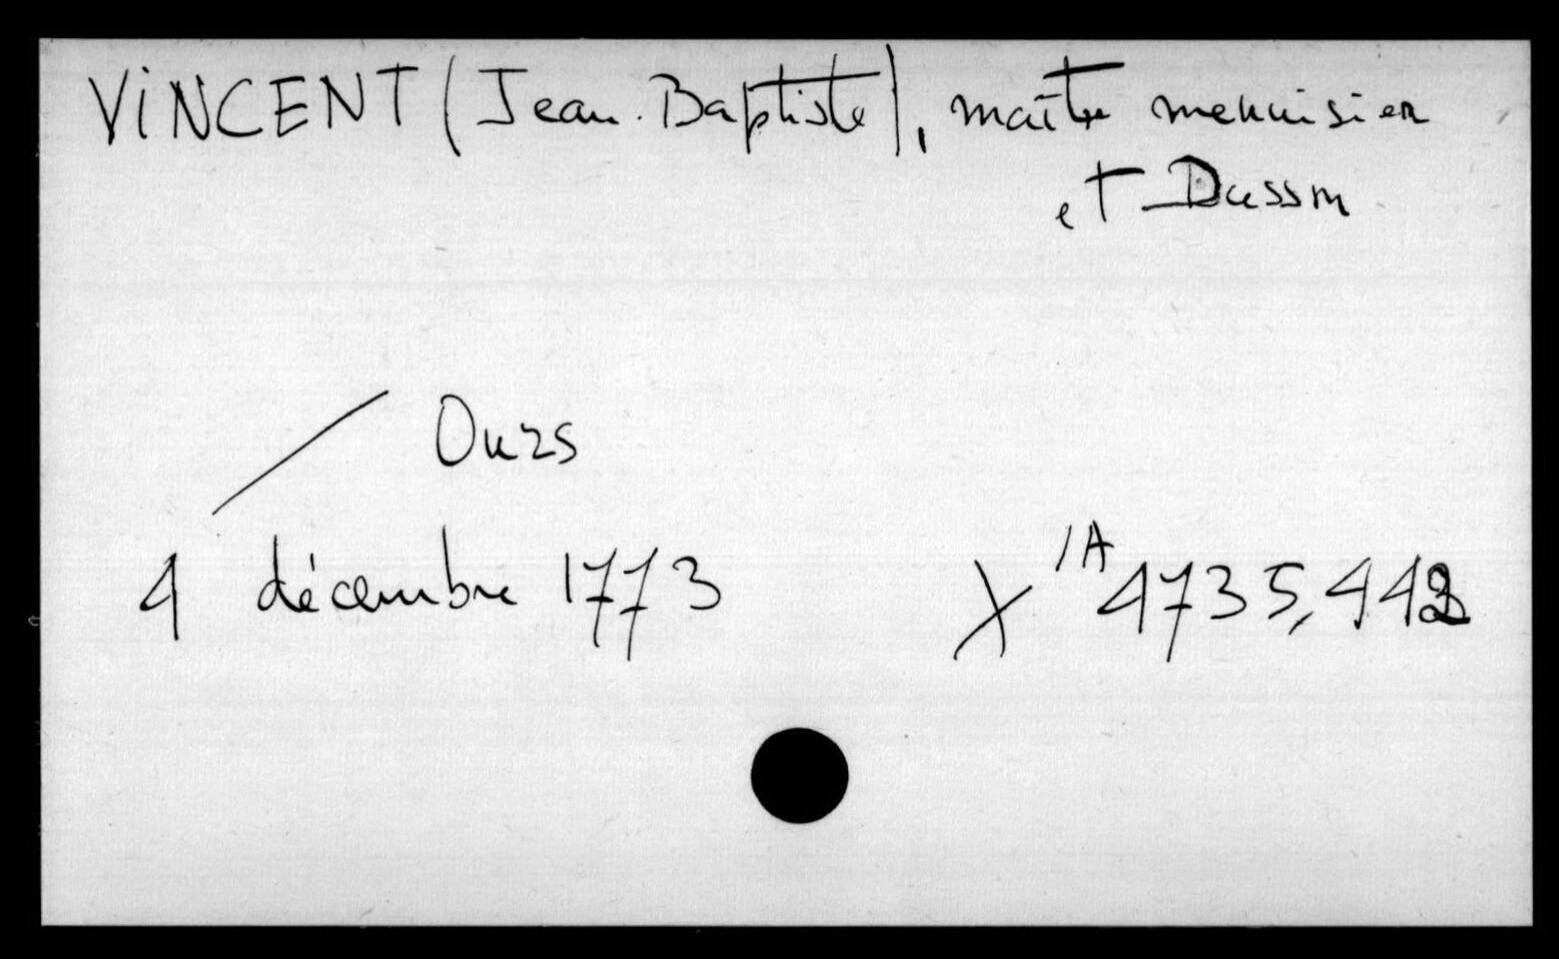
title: VINCENT (Jean-Baptiste), maître menuisien et Dusson
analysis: Contre Ours
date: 4 décembre 1773
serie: X1A
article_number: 4735
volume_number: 442
